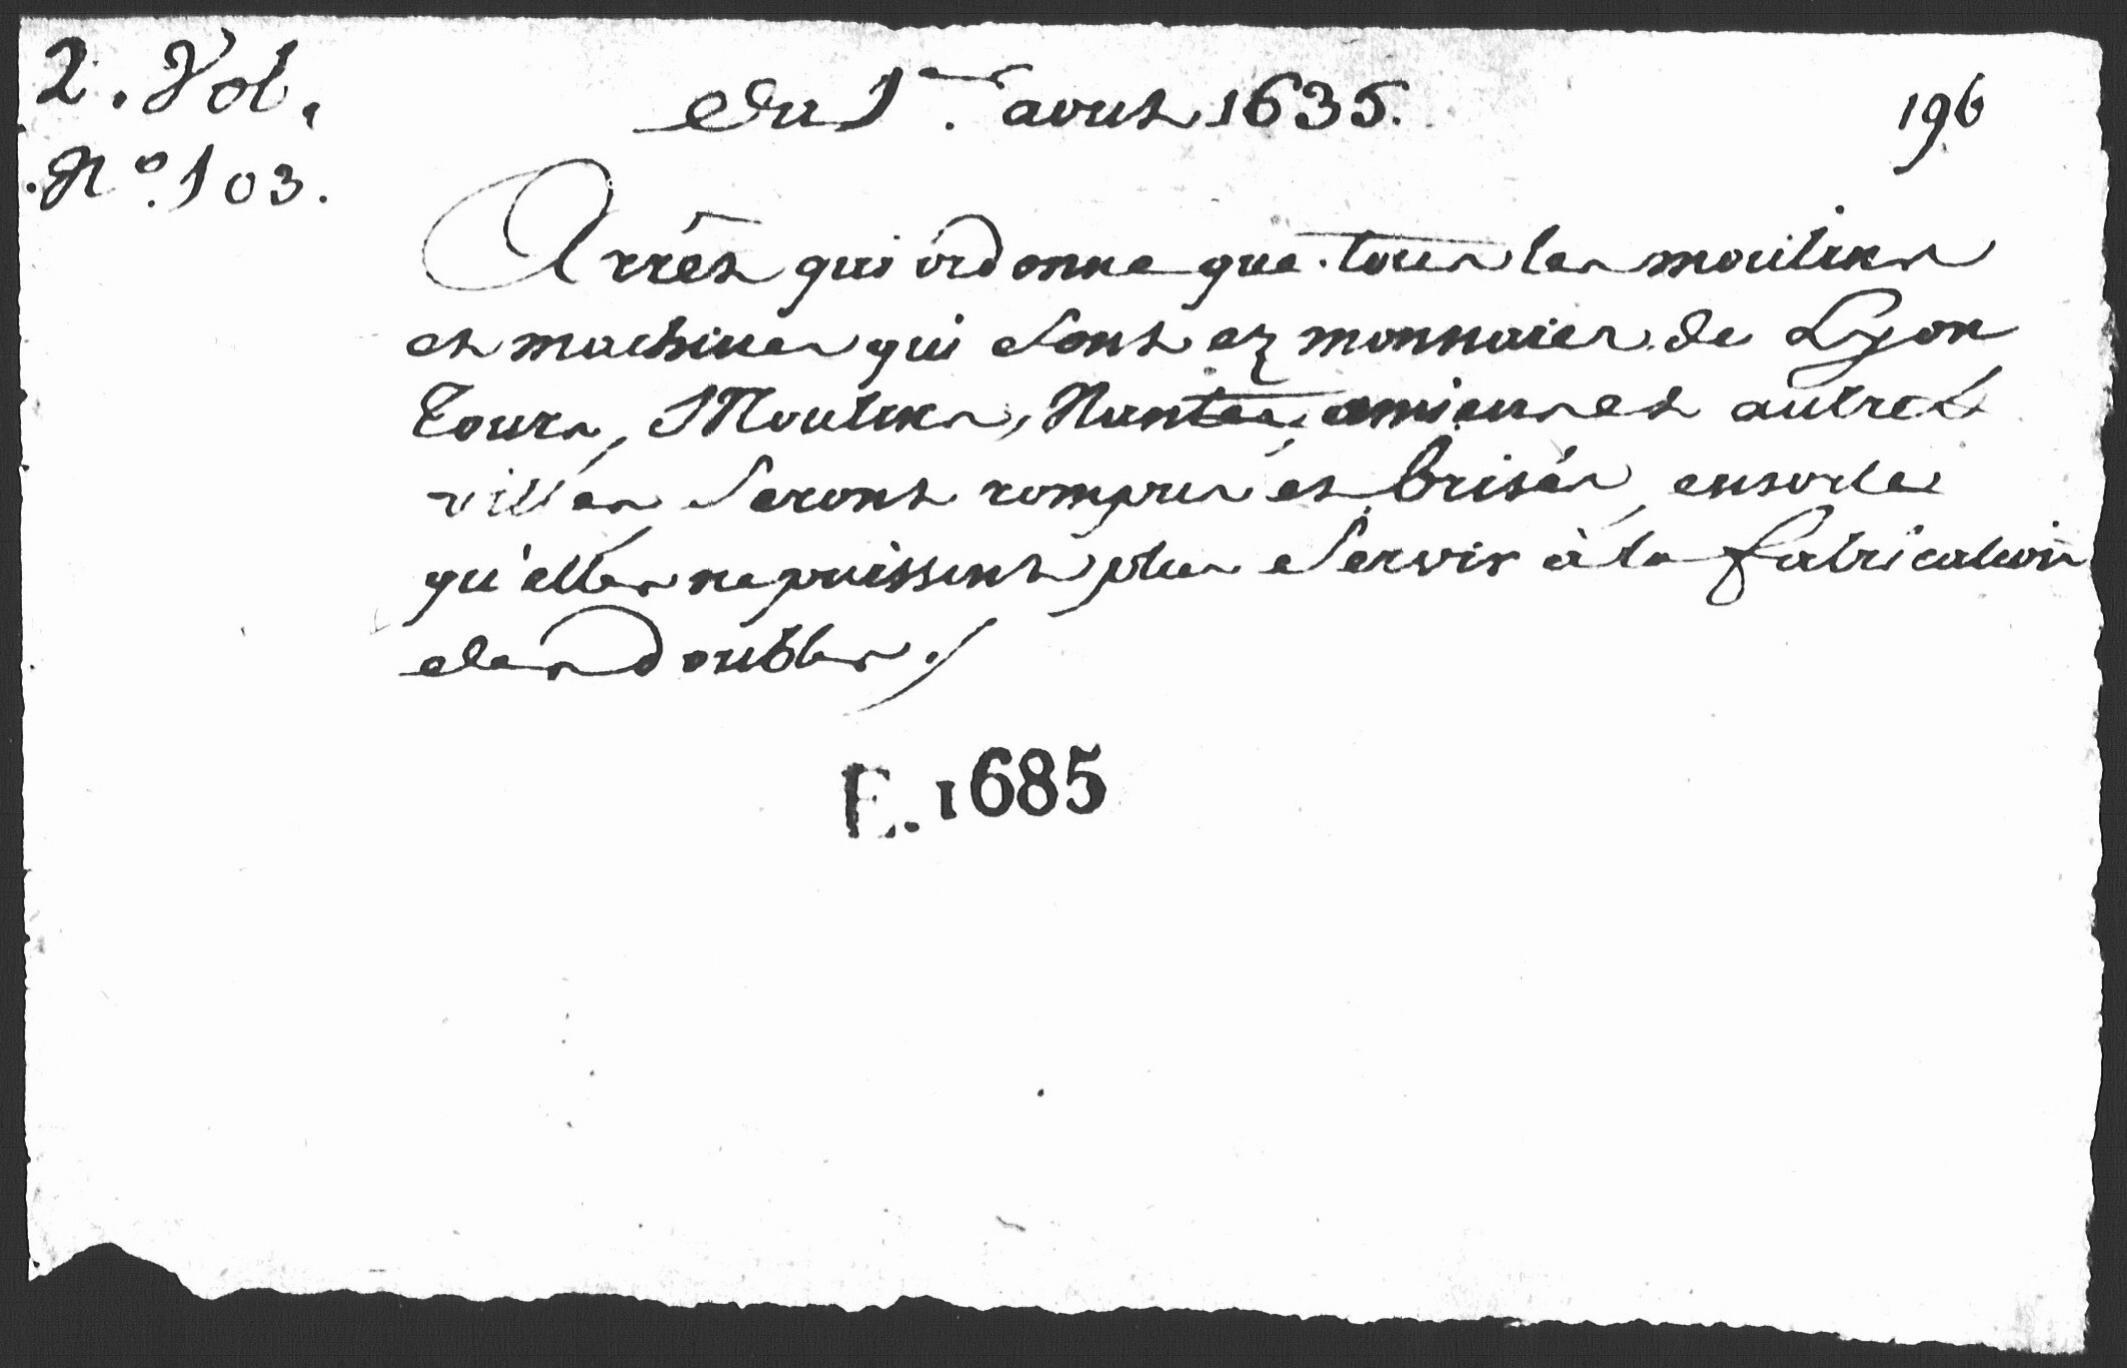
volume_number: n°103
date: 1 août 1635
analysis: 196
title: Arrêt qui ordonne que tous les moulins et machines qui sont ez monnaies de Lyon Tours, Moulins, Nantes, Amiens et autres villes seront rompus et brisés, en sorte qu'elles ne puissent plus servir à la fabrication des doubles.
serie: E
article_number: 1685
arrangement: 2. vol.
